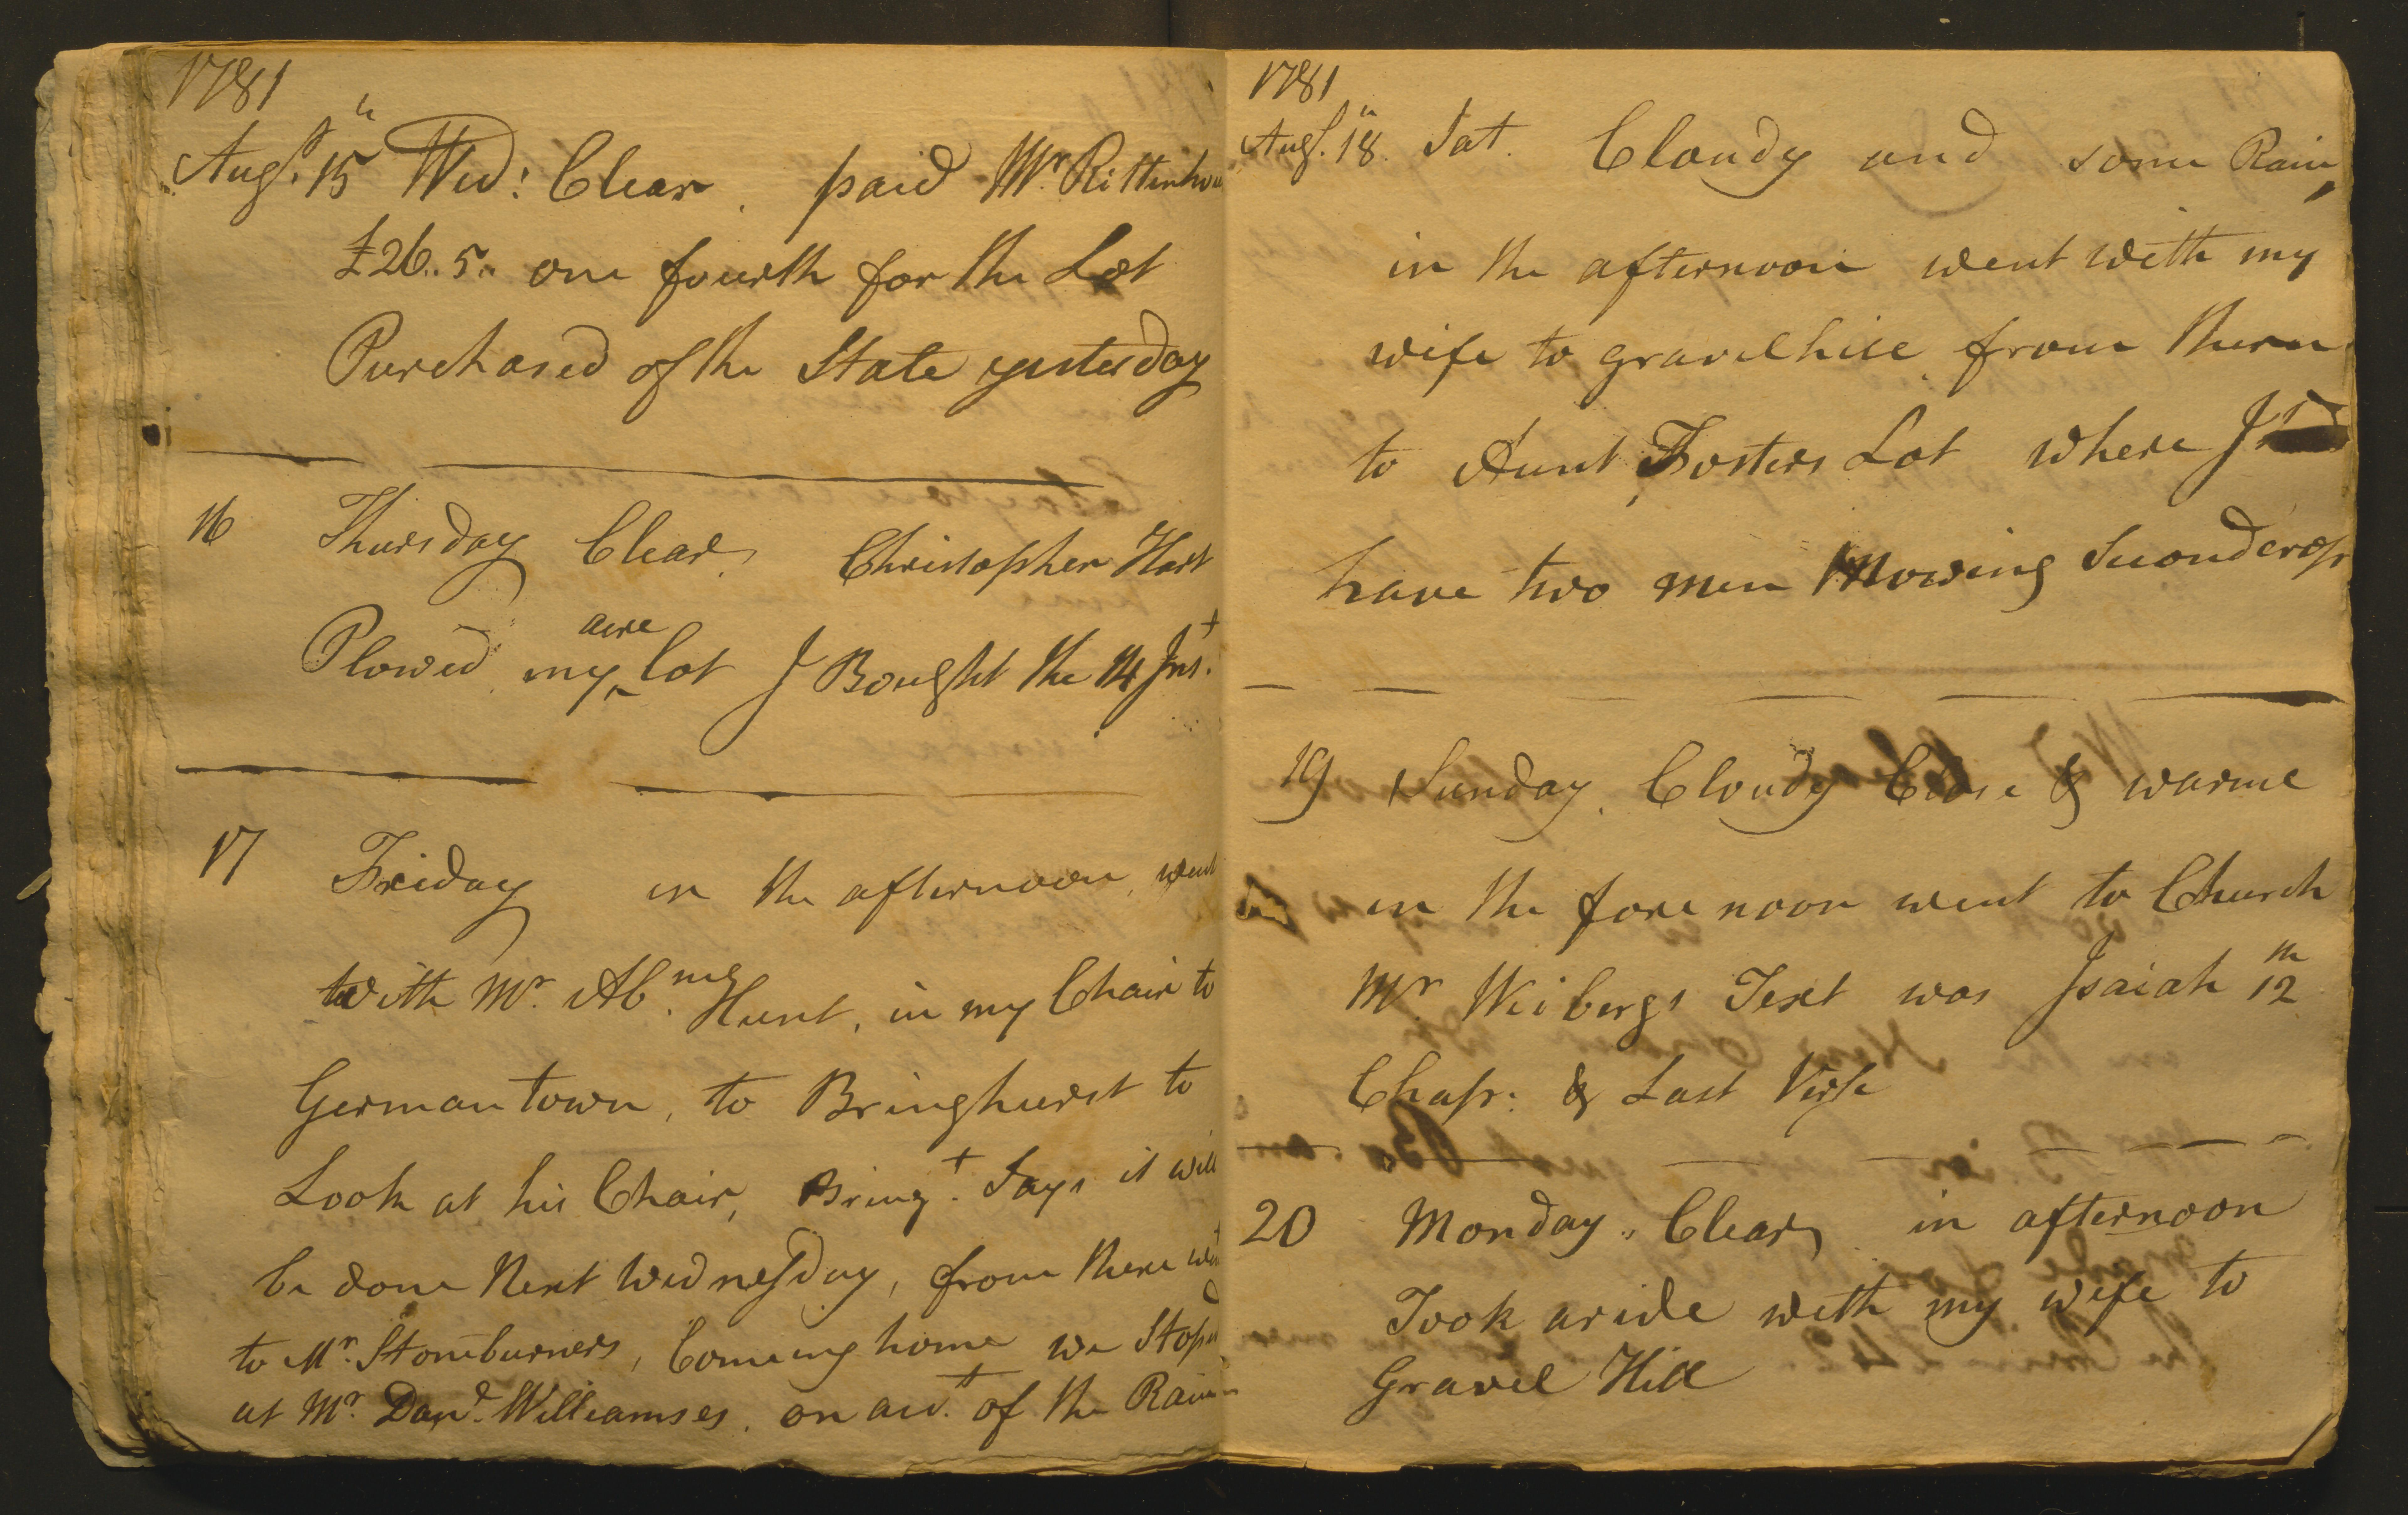1781
Aug^t. 15^th Wed: Clear. paid M^r. Rittenhouse
£26.5 one fourth for the Lot
Purehased of the State yesterday
16 Thursday Clear Christopher Hart
acre
Plowed my ^ lot I Bought the 14 Ins^t.
11 Friday in the afternoon, went
with M^r. Ab^m. Hunt, in my Chair to
Germantown, to Bringhierst to
Look at his Chair Bring^t. Says it will
be done Next Widnesday, from there went
to M^r. Stoneburners, Comeing home we Stoped
at M^r. Dan^l. Williamses, on acct. of the Rain
1781
Aug^t. 18^th Sat. Cloudy and some Rain
in the afternoon went with my
wife to gravelhill froue thence
to Aunt Fosters Lot where I [had]
have two Men Mowing second crop
19 Sunday Cloudy Close & warme
in the fore noon went to Church
M^r. Weibergs Text was Isaiah 12^th
Chap. & Last Verse
20 Monday. Clear in afternoon
Took a ride with my wife to
Gravel Hill